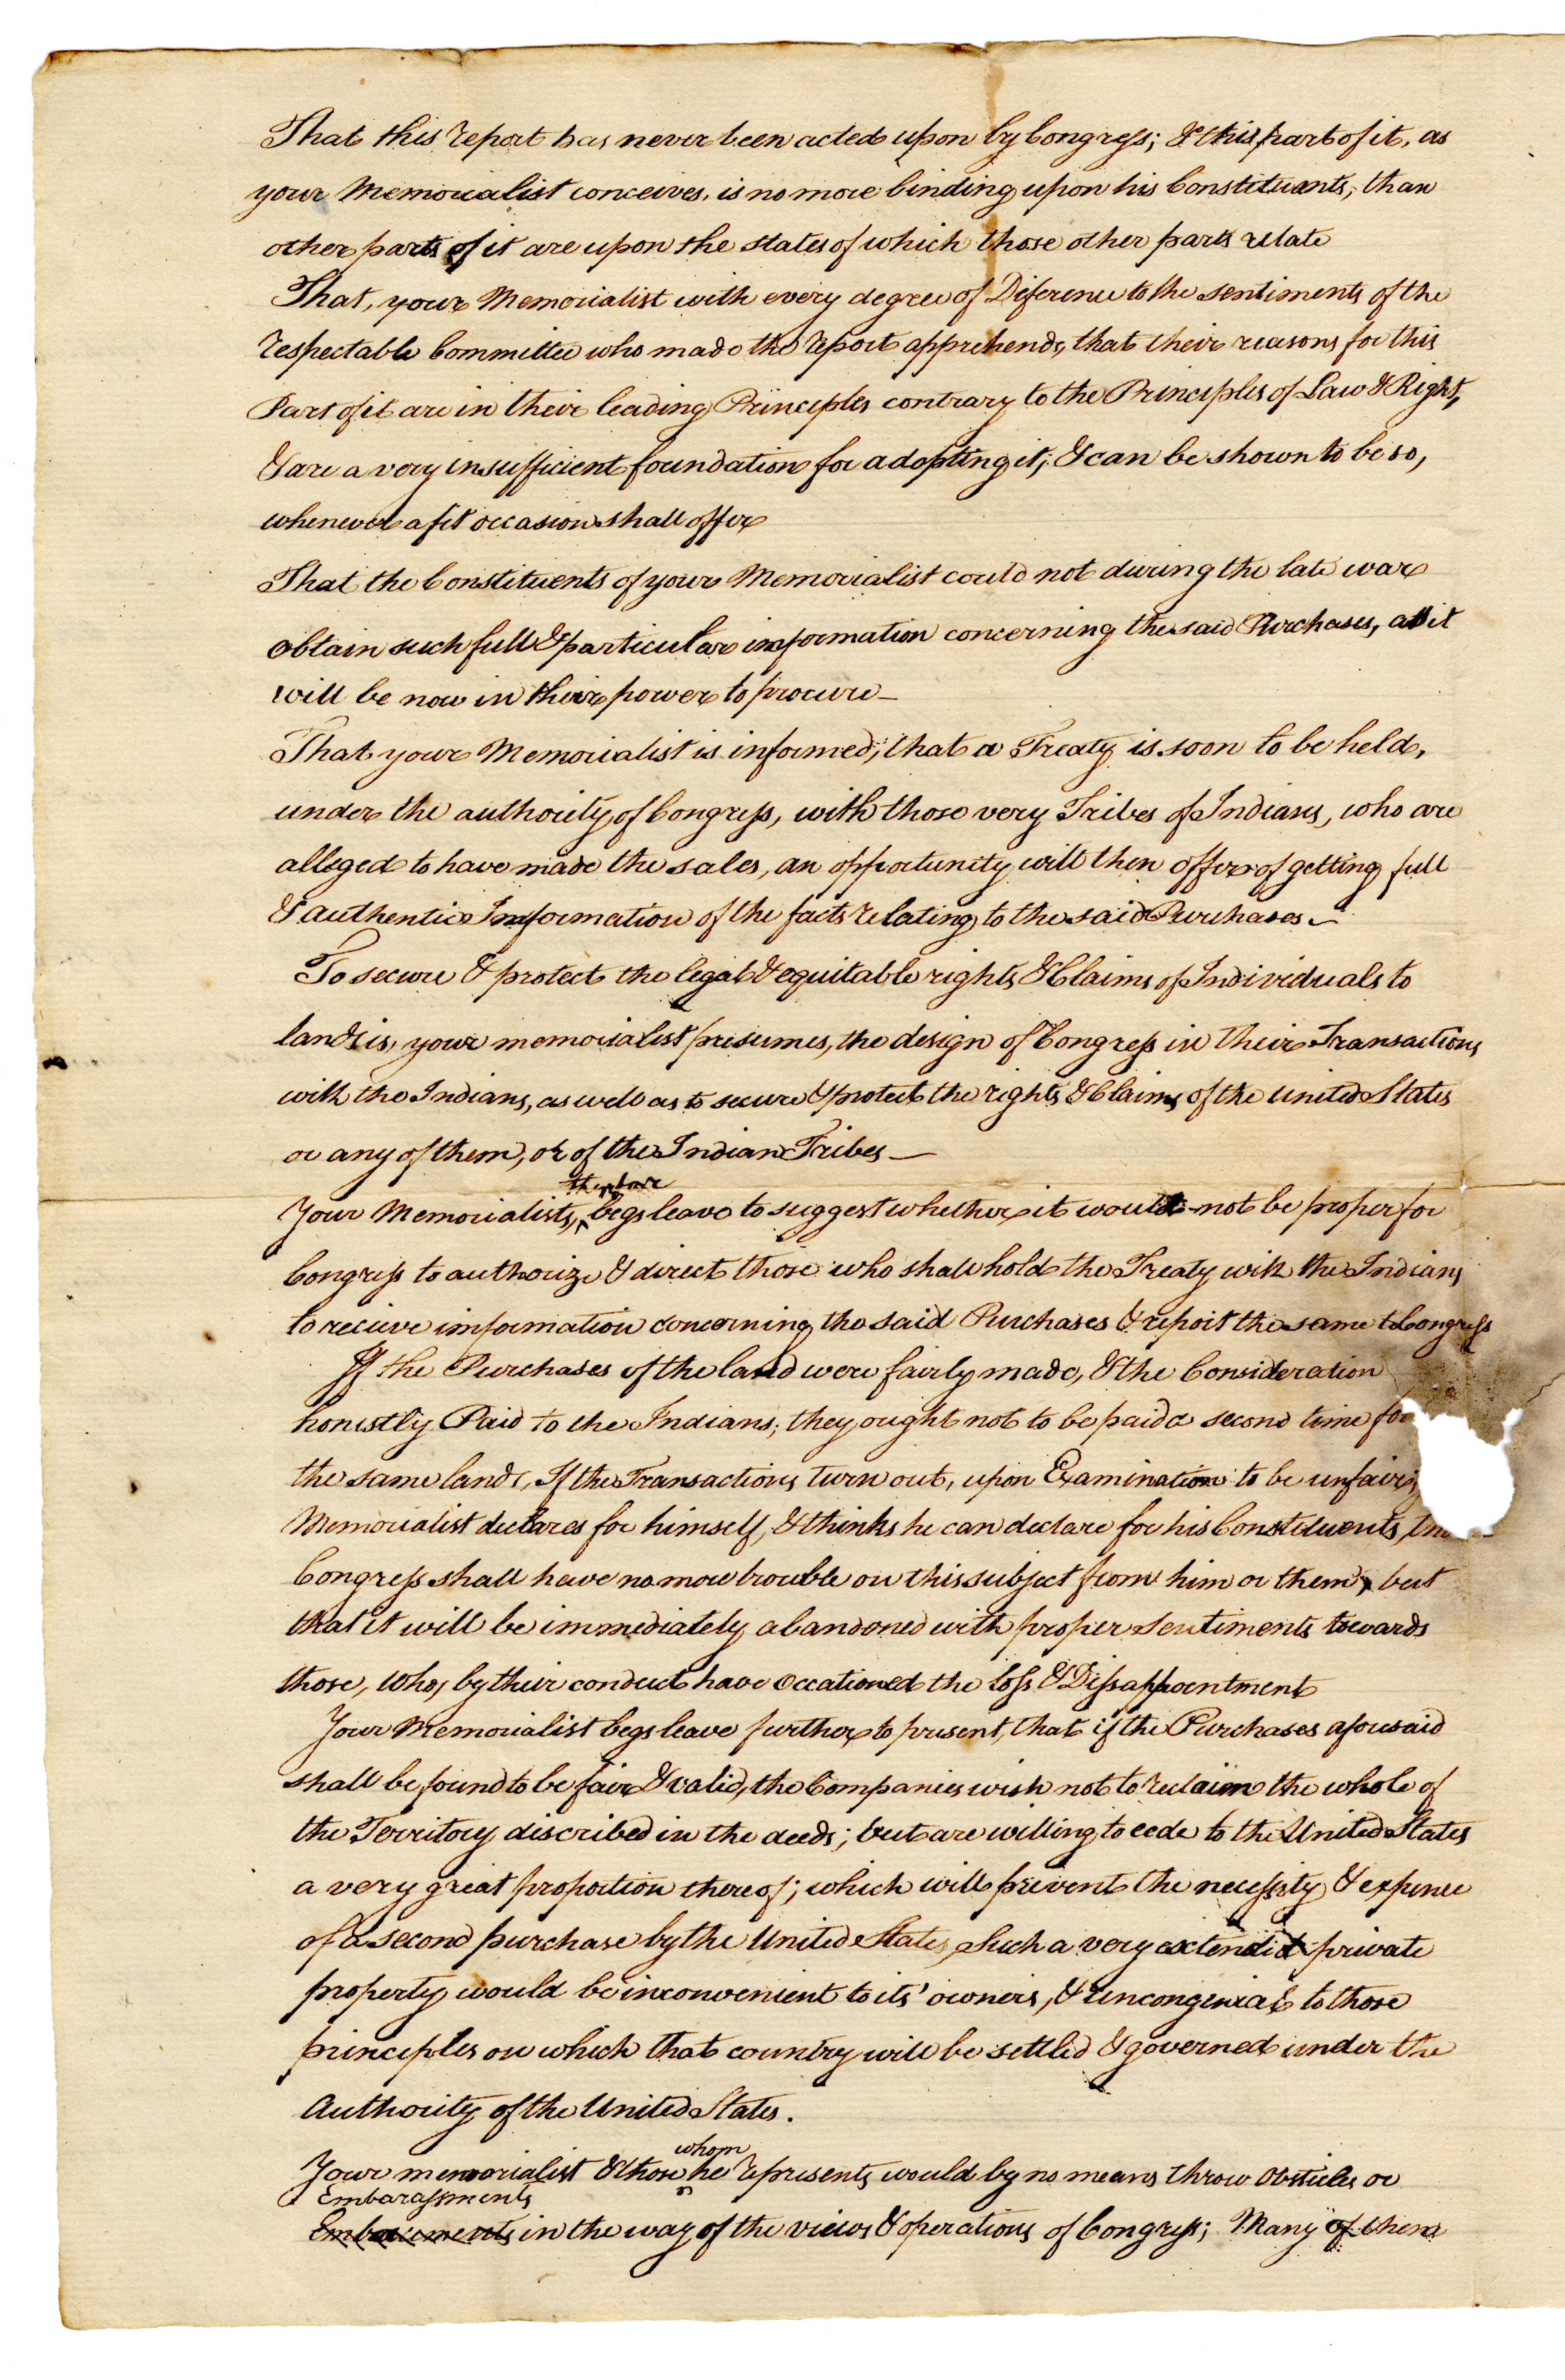That this report has never been acted upon by Congress; & this part of it, as
your memorialist conceives, is no more binding upon his Constituents, than
other parts of it are upon the states of which those other parts relate
That, your memorialist with every degree of Difference to the sentiments of the
respectable Committee who made the report apprehends, that their reasons for this
Part of it are in their leading Principles contrary to the Principles of Law & Rights,
& are a very insufficient foundation for adopting it; I can be shown to be so,
whenever a fit occasion shall offer
That the Constituents of your Memorialist could not during the late war
obtain such full & particular information concerning the said Purchases, all it
will be now in their power to procure.-
That your memorialist is informed, that a treaty is soon to be held,
under the authority of Congress, with those very Tribes of Indians, who are
alleged to have made the sales, an opportunity will then offers of getting full
& authentic Information of the facts relating to the said Purchases-
To secure & protect the legal & equitable rights & Claims of Individuals to
land is, your memorialist presumes, the design of Congress in their Transactions,
with the Indians, as well as to secure& protect the rights & Claims of the United States
or any of them, or of the Indian Tribes-
Your Memorialist, ^ begs leave to suggest whether it would not be proper for
therefore
Congress to authorize & direct those who shall hold the Treaty with the Indians
to receive information concerning the said Purchases & exploit their same to Congress
If the Purchases of the land were fairly made, & the Consideration
honestly Paid to the Indians, they ought not to be paid a second time for
the same lands, If the Transactions turn out, upon Examination to be unfair;
Memorialist declares for himself & thinks he can declare for his Constituents the
Congress shall have no more trouble on this subject from him or them but
that it will be immediately abandoned with proper sentiments towards
those, who, by their conduct have occasioned the loss & Disappointment
Your Memorialist begs leave further to present, that if the Purchases aforesaid
shall be found to be fair & valid, the Companies wish not to reclaim the whole of
the Territory described in the deeds; but are willing to cede to the United States
a very great proportion thereof; which will prevent the necessity & expense
of a second purchase by the United States, Such a very extend it private
property would be inconvenient to its' owners, & uncongenial to those
principles on which that country will be settled & governed under the
Authority of the United States
Your memorialist & those ^ he represents would by no means throw articles or
whom
Embarassments
[Embarassments] in the way of the views & operations of Congress; Many of them